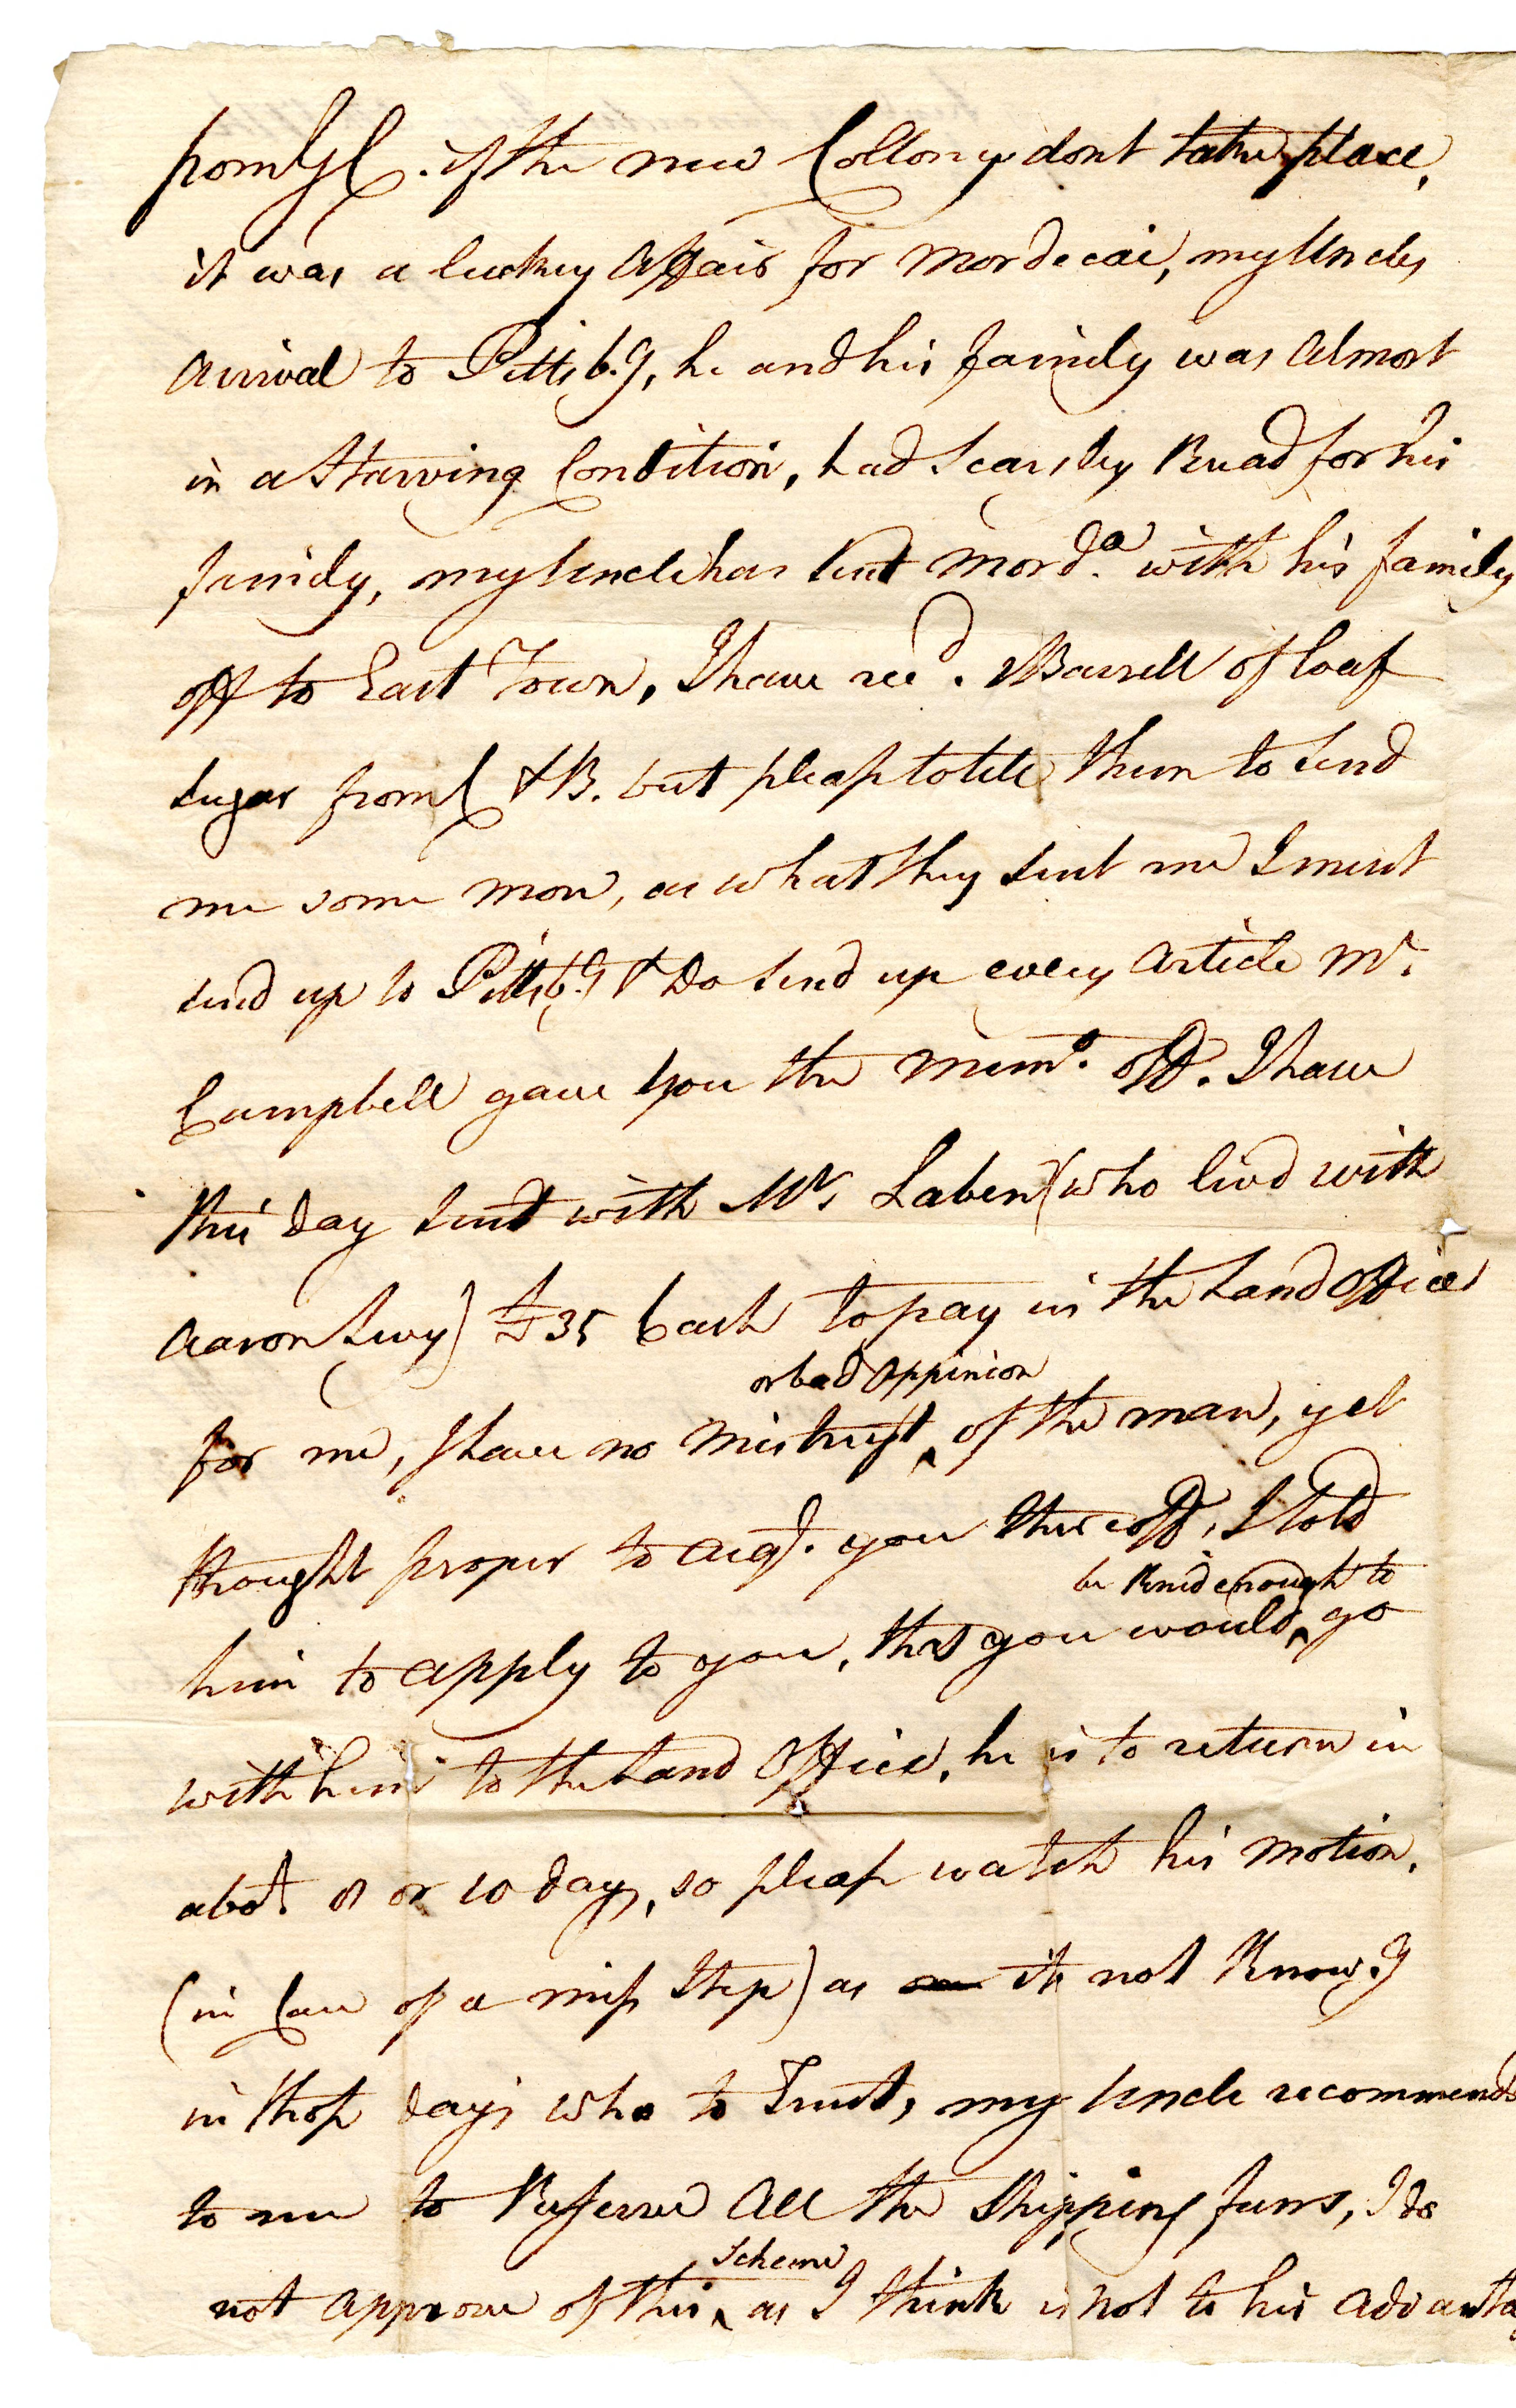homly. if the new Collony dont take place,
it was a luckey afair for Mordecai, my Uncles
Arrival to Pittsb^g, he and his family was Almost
in a Starving Condition, had scarsly Bread for his
family, my uncle has sent mord^a. with his family
off to East Town, I have rec^d. Barrell of loaf
sugas from C & B. but please to tell them to send
me some more, as what they sent me I must
send up to Pittsb^g & Do send up every Article M^r.
Campbell gave You the mem^o. off. I have
this day sent with M^r. Laben (who livd with
Aaron Levy) £35 back to pay in the Land Office
or bad oppinion
for me, I have no mistrust ^ of the man, yet
thought proper to Acq^t. you thereoff, I told
be kind enough to
him to apply to you, that you would ^ go
with him to the Land Office, he is to return in
abo^t. 8 or 10 day, so please watch his motion.
(in Case of a misstep) as [__] it not know^g
in thoh days who to Trust, my Uncle recommends
to me to refund All the Shipping furrs, I do
scheme
not approve of this ^ as I think is not to his advantage